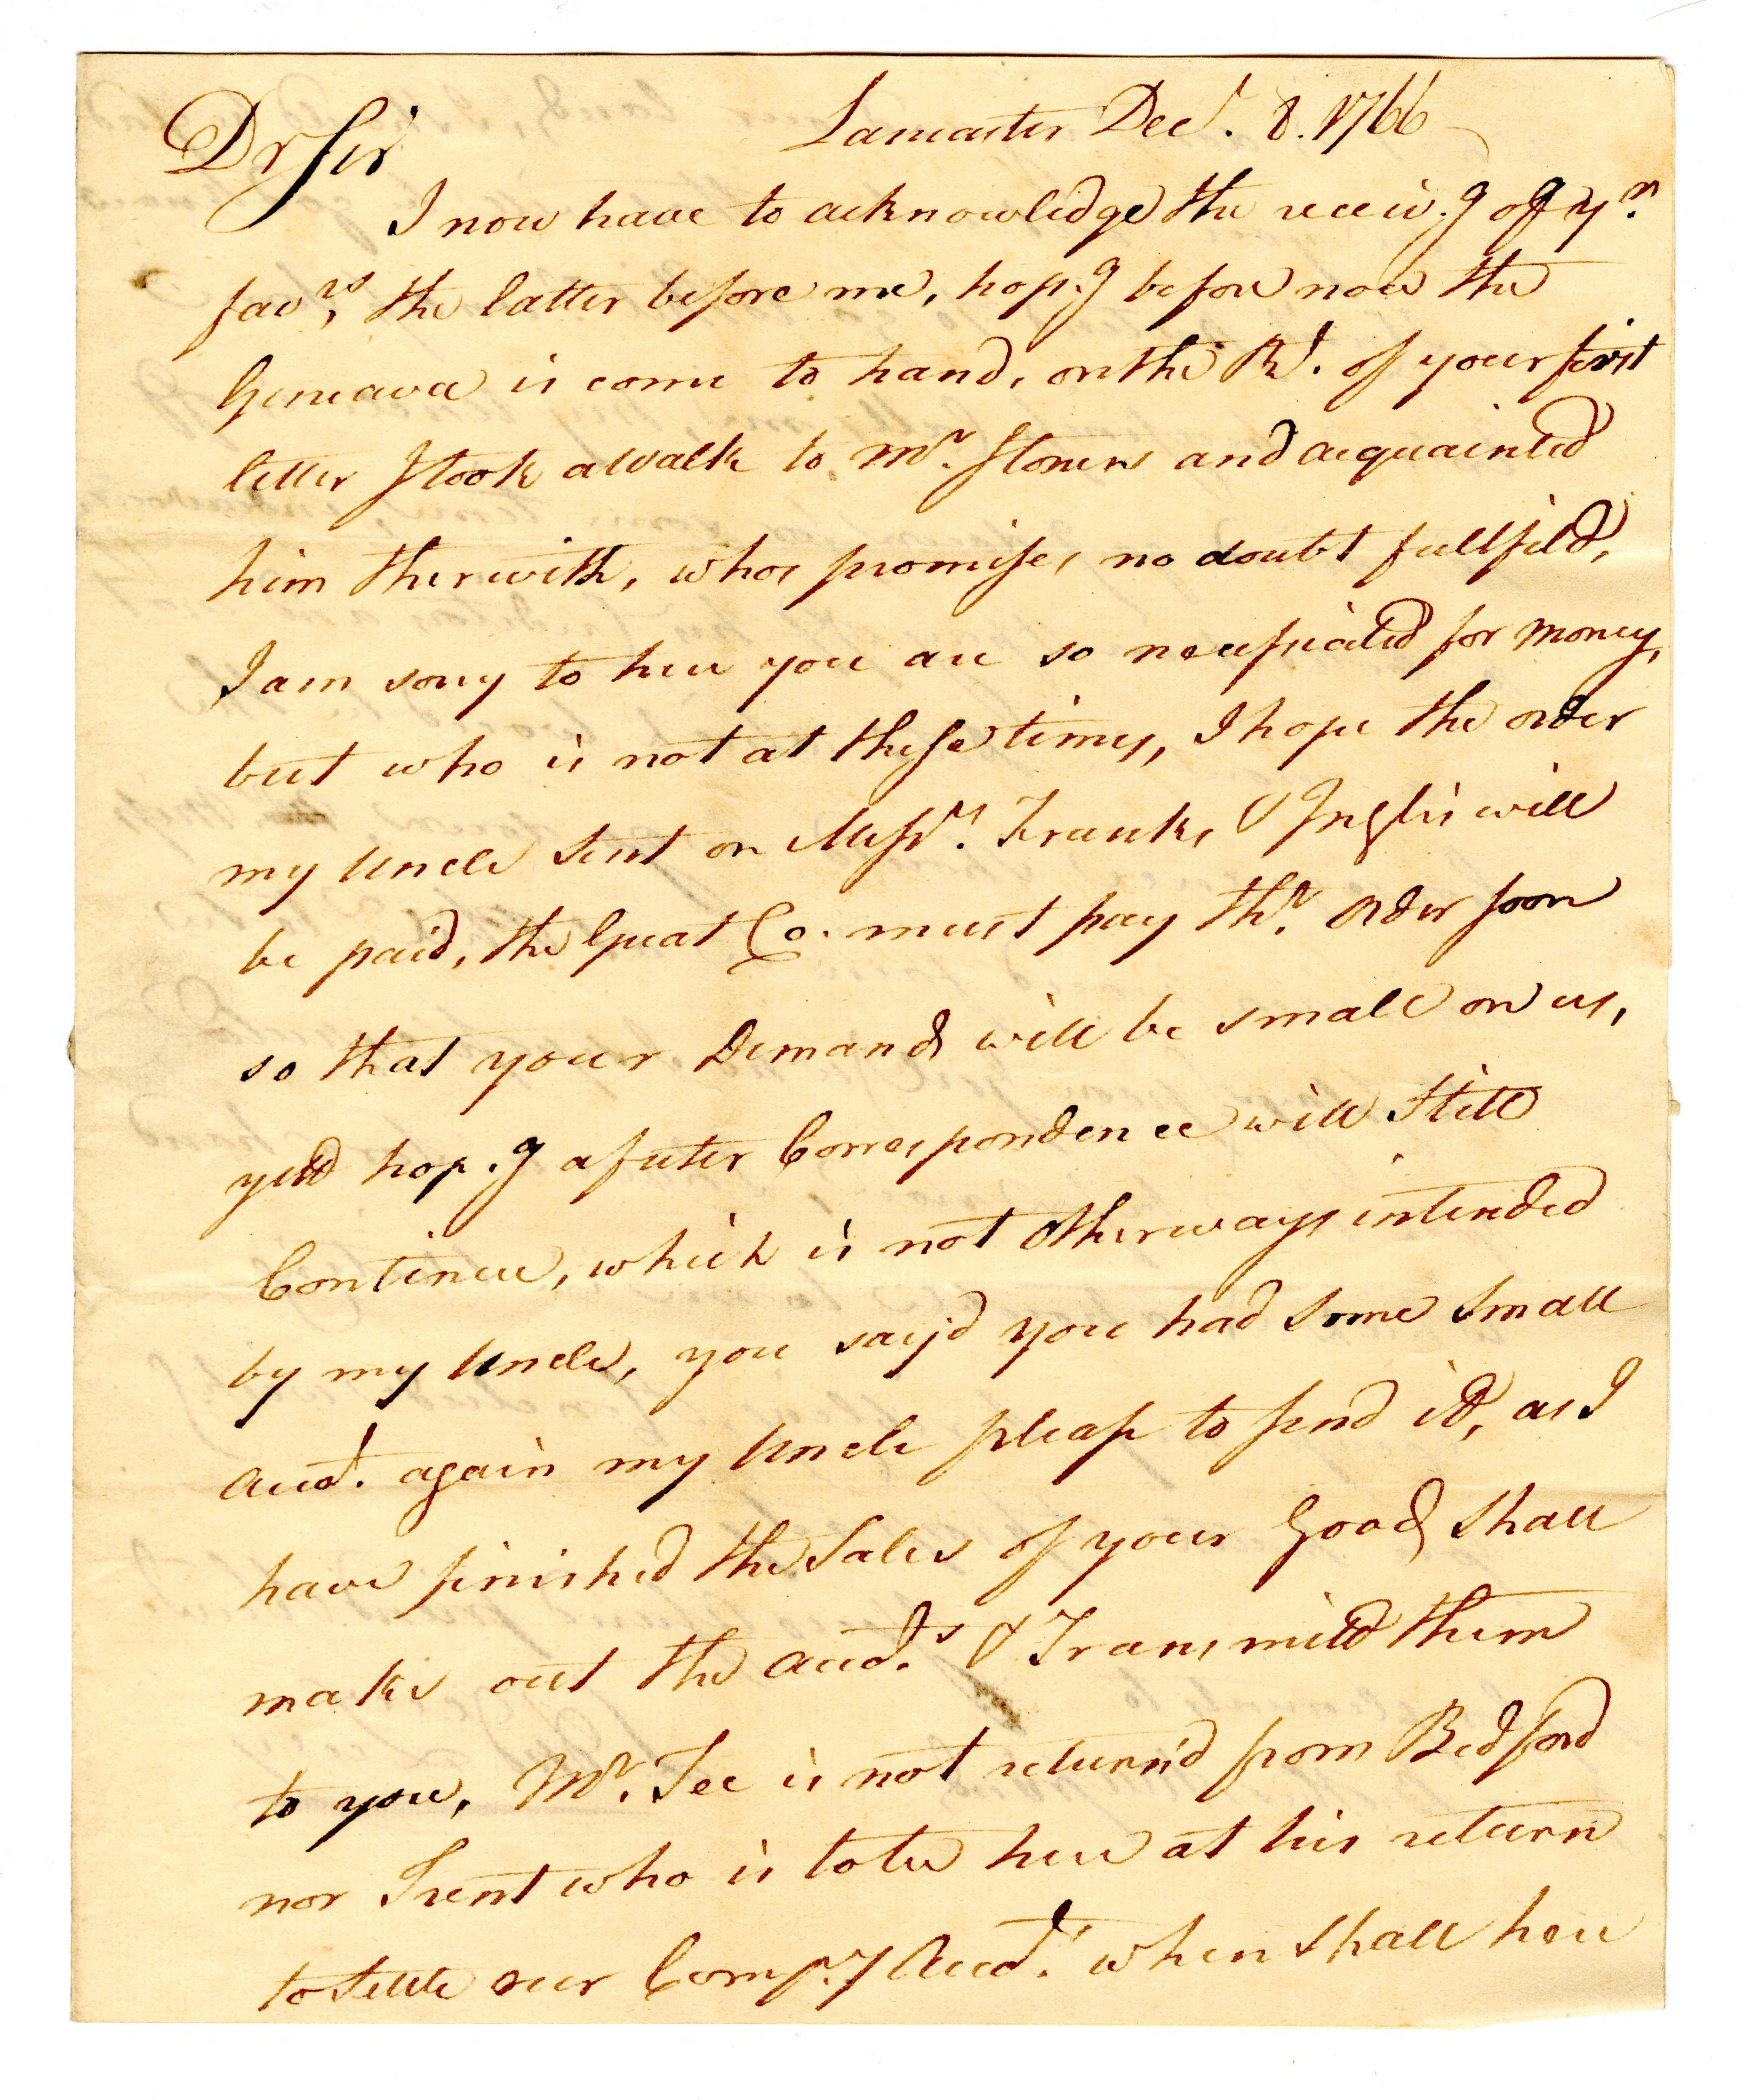Lancaster Dec^r. 8. 1766
Dr Sir
I now have to acknowledge the receiv.^g of y^r.
fav^rs the latter before me, hop^g before now the
Geneava is come to hand, on the R^t. of your first
letter I took a walk to M^r. Homer and acquainted
him therwith, whos promises no doubt fulfilld,
I am sorry to here you are so necessitated for money,
but who is not at these times, I hope the order
my uncle sent on Maj^r. Frank Inglis will
be paid, the Geat Co. must pay th^r. order soon
so that your Demand will be small on us,
youd hop.^g a futer Correspondence will still
Continue, which is not otherways intended
by my Uncle, you say'd you had some Small
Acco^t. again my Uncle please to send it, and
have finished the Sale of your Good shall
make out the acco^ts. & Transmitd them
to you, M^r. Tee is not return'd from Bedford
nor Trent who is later here at his return
to Settle our Comp^y. Accd^t. when shall here